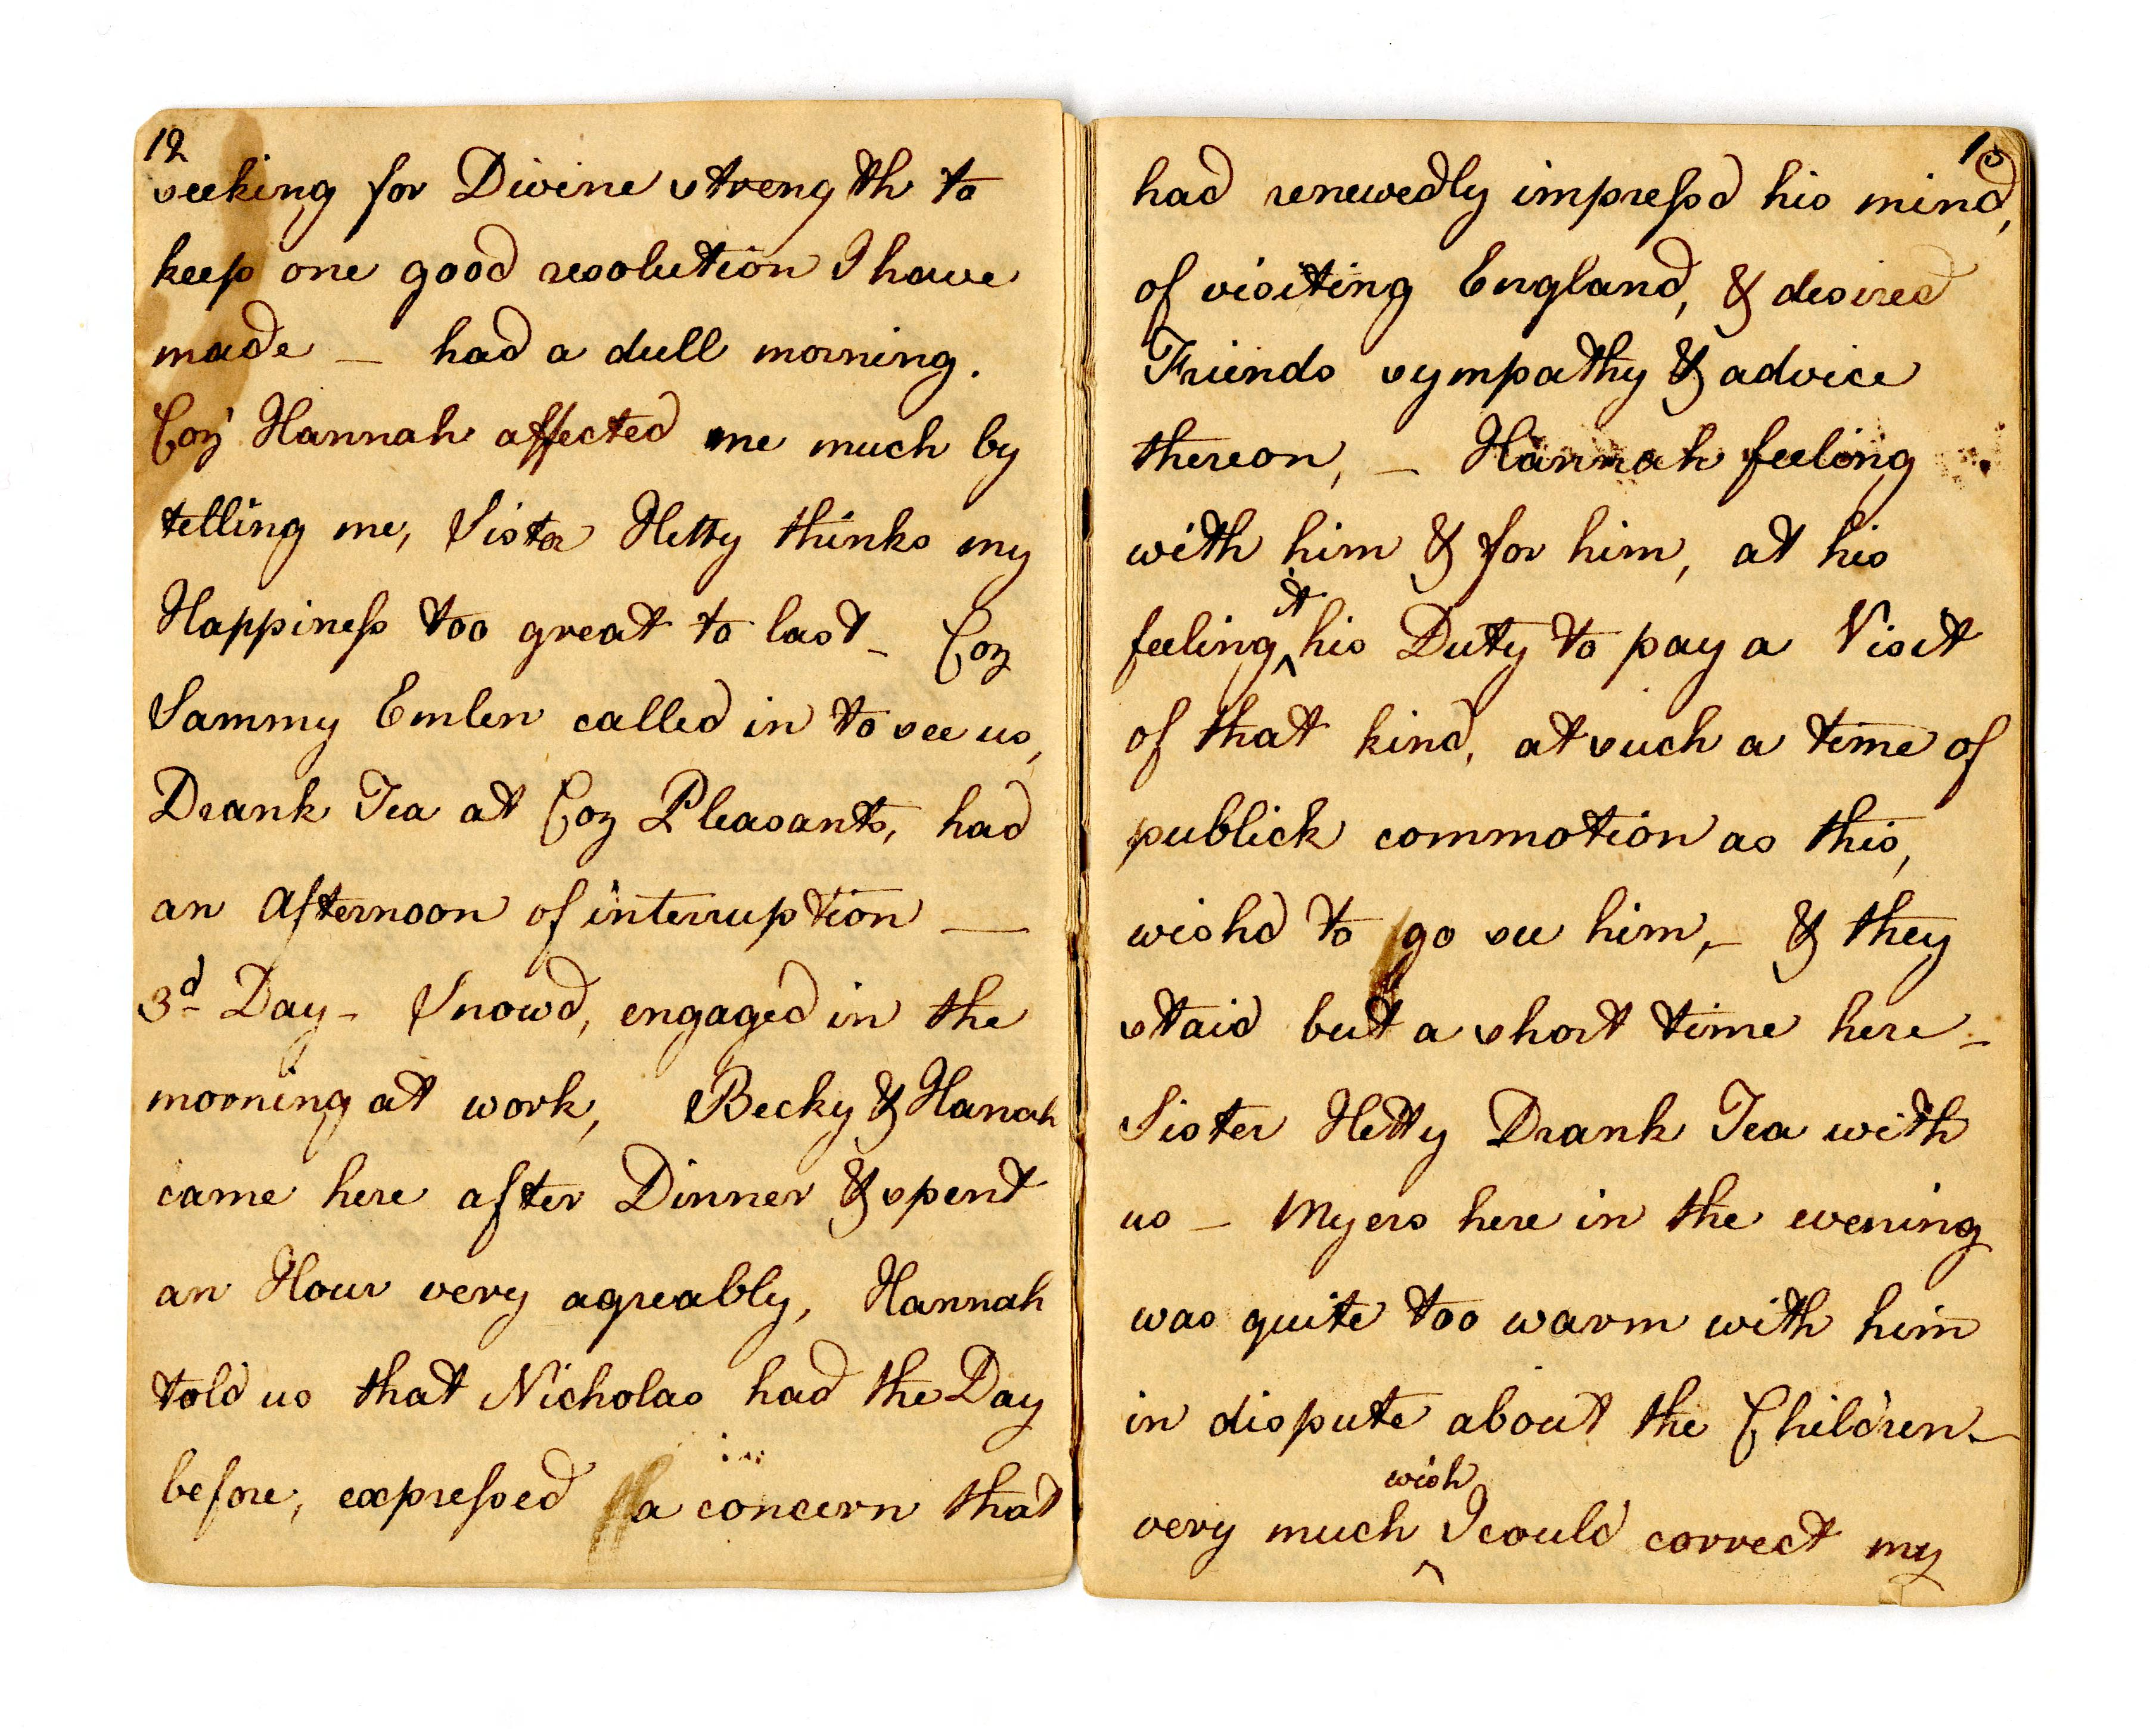12
seeking for Divine strength to
keep one good resolution I have
made- had a dull morning.
Coz' Hannah affected me much by
telling me, Sister Hetty thinks my
Happiness too great to last- Coz
Sammy Emlen called in to see us,
Drank Tea at Coz Pleasants, had
an Afternoon of interruption-
3^d Day- Snowd, engaged in the
morning at work, Becky & Hannah
came here after Dinner & spent
an Hour very agreably, Hannah
told us that Nicholas had the Day
before, expressed a concern that
13
had renewedly impressed his mind,
of visiting England, & desired
Friends sympathy & advice
thereon,- Hannah feeling
with him & for him, at his
it
feeling ^ his Duty to pay a Visit
of that kind, at such a time of
publick commotion as this,
wishd to go see him,- & they
staid but a short time here-
Sister Hetty Drank Tea with
us- Myers here in the evening
was quite too warm with him
in dispute about the Children-
wish
very much ^ I could correct my